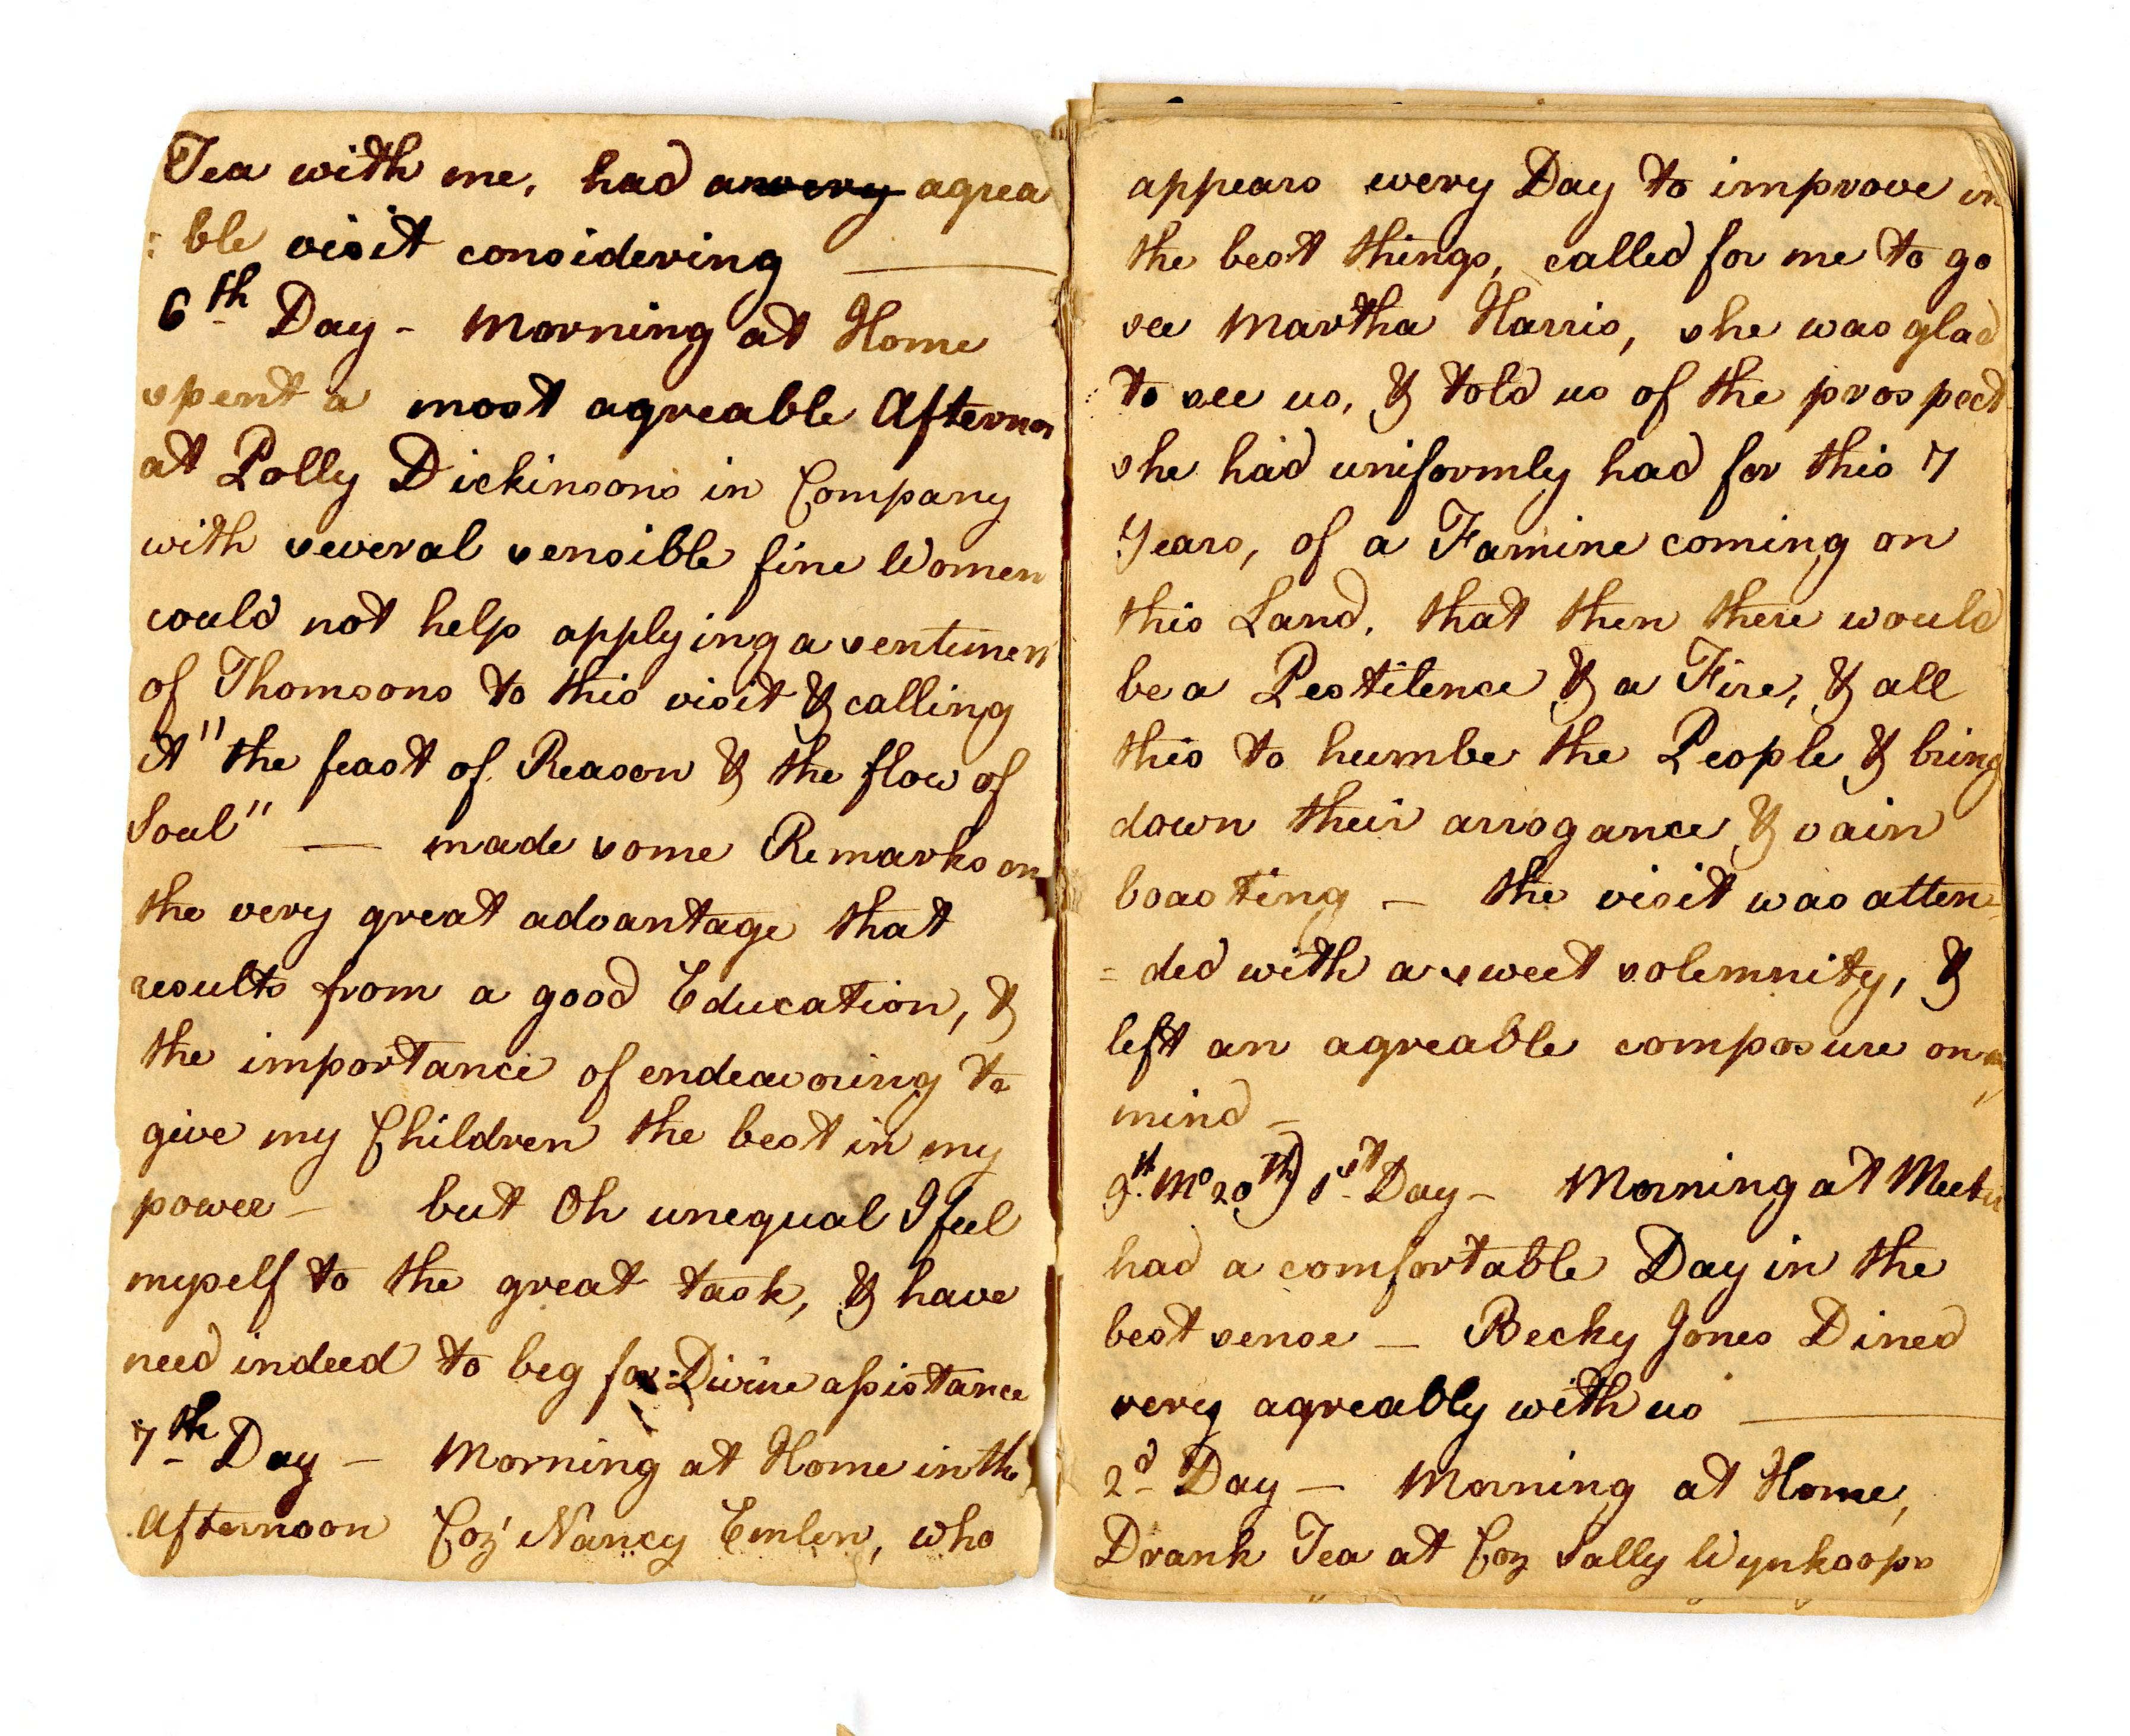Tea with me, had an [very] agrea
-ble visit considering-
6^th Day- Morning at Home
spent a most agreable Afternon
at Polly Dickinsons in Company
with several sensible fine Women
could not help applying a sentimen
of Thomsons to this visit & calling
it " the feast of Reason & the flow of
Soul" - made some Remarks on
the very great advantage that
results from a good Education, &
the importance of endeavoring to
give my Children the best in my
power- but Oh unequal I feel
myself to the great task, & have
need indeed to beg for Divine assistance
7^th Day- Morning at Home in the
Afternoon Coz' Nancy Emlen, who
appears every Day to improve in
the best things, called for me to go
see Martha Harris, she was glad
to see us, & told us of the prospect
she had uniformly had for this 7
Years, of a Famine coming on
this Land, that then there would
be a Pestilence & a Fire, & all
this to humbe the People & bring
down their arrogance & vain
boasting- the visit was atten
-ded with a sweet solemnity, &
left an agreable composure on
mind-
9^th M^o 20^th ) 1^st Day- Morning at Meetin
had a comfortable Day in the
best sense- Becky Jones Dined
very agreably with us-
2^d Day- Morning at Home,
Drank Tea at Coz Sally Wynkoops